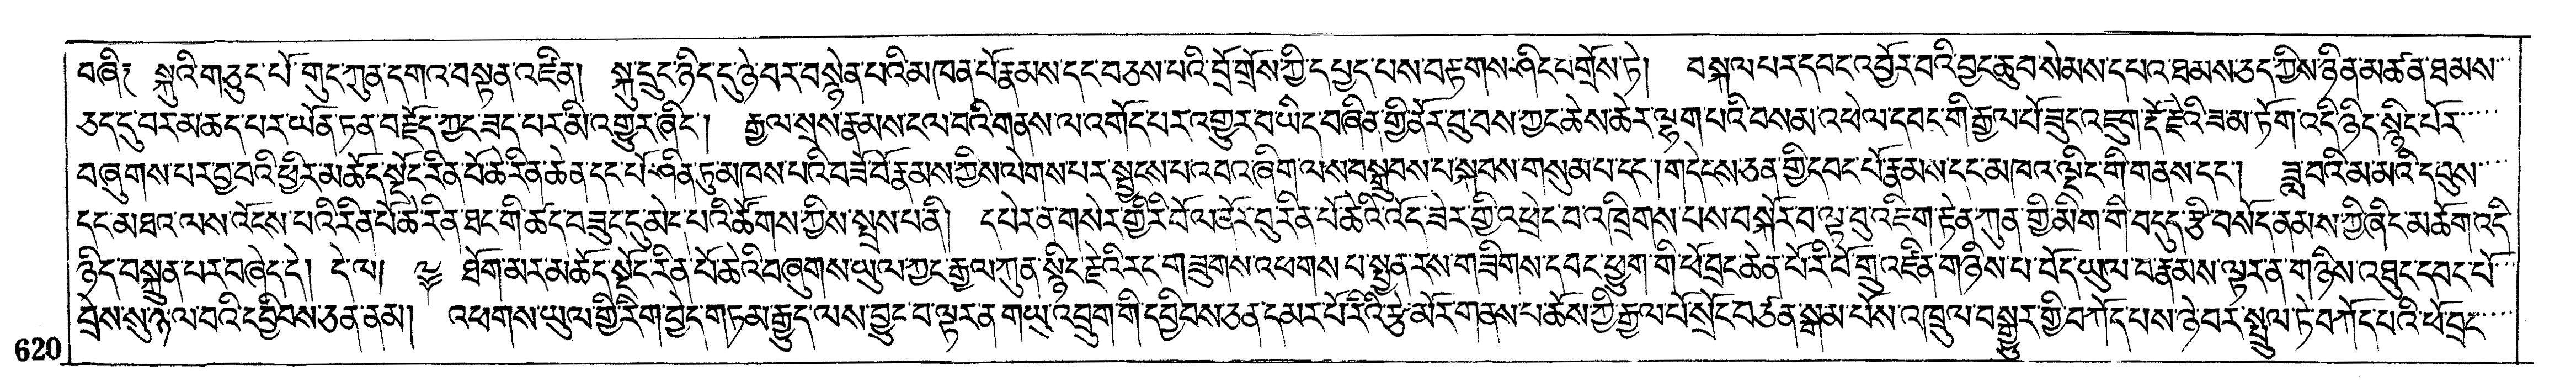བཞི༑ སྐུའི་གཅུང་པོ་གུང་ཀུན་དགའ་བསྟན་འཛིན། སྐུ་དྲུང་ཉིད་དུ་ཉེ་བར་བསྙེན་པའི་མཁན་པོ་རྣམས་དང་བཅས་པའི་བློ་གྲོས་ཀྱི་དཔྱད་པས་བརྟགས་ཤིང་བགྲོས་ཏེ། བསྐལ་པར་དབང་འབྱོར་པའི་བྱང་ཆུབ་སེམས་དཔའ་ཐམས་ཅད་ཀྱིས་ཉིན་མཚན་ཐམས་
ཅད་དུ་བར་མ་ཆད་པར་ཡོན་ཏན་བརྗོད་ཀྱང་ཟད་པར་མི་འགྱུར་ཞིང་། རྒྱལ་སྲས་རྣམས་ངལ་བའི་གནས་ལ་འགོད་པར་འགྱུར་བ་ཡིད་བཞིན་གྱི་ནོར་བུ་བས་ཀྱང་ཆེས་ཆེར་ལྷག་པའི་བསམ་འཕེལ་དབང་གི་རྒྱལ་པོ་ཟུང་འཇུག་རྡོ་རྗེའི་ཟ་མ་ཏོག་འདི་ཉིད་སྙིང་པོར་
བཞུགས་པར་བྱ་བའི་ཕྱིར་མཆོད་སྡོང་རིན་པོ་ཆེ་རིན་ཆེན་དང་པོ་ཤིན་ཏུ་མཁས་པའི་བཟོ་བོ་རྣམས་ཀྱིས་ལེགས་པར་སྦྱངས་པ་འབའ་ཞིག་ལས་བསྒྲུབས་པ་སྐབས་གསུམ་པ་དང་།གདེངས་ཅན་གྱི་དབང་པོ་རྣམས་དང་མཁའ་ལྡིང་གི་གནས་དང་། ཟླ་བའི་མ་མའི་དབུས་
དང་མཐའ་ལས་འོངས་པའི་རིན་པོ་ཆེ་རིན་ཐང་གི་ཚད་བཟུང་དུ་མེད་པའི་ཚོགས་ཀྱིས་སྤྲས་པ་ནི། དཔེར་ན་གསེར་གྱི་རི་བོ་ལ་ནོར་བུ་རིན་པོ་ཆེའི་འོད་ཟེར་གྱི་འཕྲེང་བ་འཁྲིགས་པས་བསྐོར་བ་ལྟ་བུ་འཇིག་རྟེན་ཀུན་གྱི་མིག་གི་བདུད་རྩི་བསོད་ནམས་ཀྱི་ཞིང་མཆོག་འདི་
ཉིད་བསྐྲུན་པར་བཞེད་དེ། དེ་ལ། ༈ ཐོག་མར་མཆོད་སྡོང་རིན་པོ་ཆེའི་བཞུགས་ཡུལ་ཀྱང་རྒྱལ་ཀུན་སྙིང་རྗེའི་རང་གཟུགས་འཕགས་པ་སྤྱན་རས་གཟིགས་དབང་ཕྱུག་གི་ཕོ་བྲང་ཆེན་པོ་རི་བོ་གྲུ་འཛིན་གཉིས་པ་བོད་ཡུལ་བ་རྣམས་ལྟར་ན་གཉིས་འཐུང་དབང་པོ་
བྲེས་སུ་ཉལ་བའི་དབྱིབས་ཅན་ནམ། འཕགས་ཡུལ་གྱི་རིག་བྱེད་གཏམ་རྒྱུད་ལས་བྱུང་བ་ལྟར་ན་གཡུ་འབྲུག་གི་དབྱིབས་ཅན་དམར་པོ་རིའི་རྩེ་མོར་གནས་པ་ཆོས་ཀྱི་རྒྱལ་པོ་སྲོང་བཙན་སྒམ་པོས་འཁྲུལ་བསྒྱུར་གྱི་བཀོད་པས་ཉེ་བར་སྤྲུལ་ཏེ་བཀོད་པའི་ཕོ་བྲང་